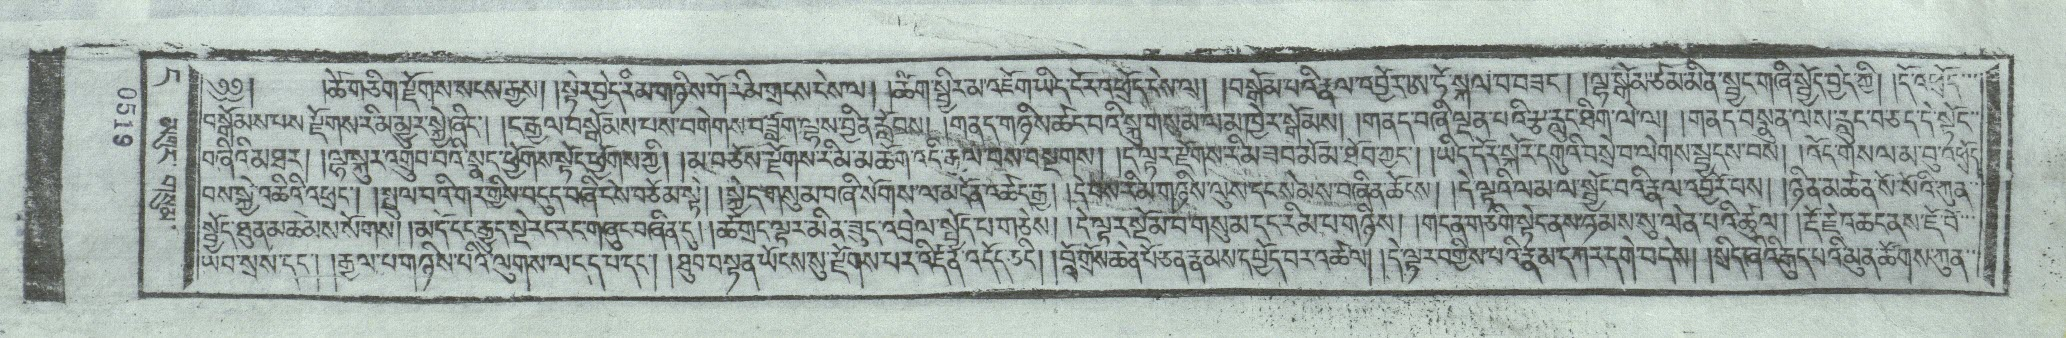༄༅། །ཚེ་གཅིག་རྫོགས་སངས་རྒྱས། །སྟེར་བྱེད་རིམ་གཉིས་གོ་རིམ་གྲངས་ངེས་ལ། །ཚིག་སྦྱིར་མ་འཇོག་ཡིད་ངོར་འཕྲོད་ངེས་ལ། །བསྒོམ་པའི་རྣལ་འབྱོར་ཨ་ཏོ་སྐལ་བ་བཟང་། །ལྷ་སྒོམ་ཙམ་མིན་སྦྱང་གཞི་སྤྱོད་བྱེད་ཀྱི། །དོ་འཕྲོད་
བསྒོམས་པས་རྫོགས་རིམ་མྱུར་སྐྱེ་ཞིང་། །ང་རྒྱལ་བསྒོམས་པས་བགེགས་བཟློག་ལྷས་བྱིན་རློབས། །གནད་གཉིས་ཚང་བའི་སྐུ་གསུམ་ལ་མ་ཁྱེར་སྒོམས། །གནད་བཞི་ལྡན་པའི་རྩ་རླུང་ཐིག་ལེ་ལ། །གནད་བསྣུན་ལས་རླུང་བཅད་དེ་སྟོང་
བཞིའི་མཐར། །ལྷ་སྐུར་འགྲུབ་པའི་སྣད་ཕྱོགས་སྟོང་ཕྱོགས་ཀྱི། །མ་བཅོས་རྫོགས་རིམ་མཆོག་འདི་རྒྱལ་བས་བསྔགས། །ད་ལྟར་རྫོགས་རིམ་ཟབ་མོ་མ་ཐོབ་ཀྱང་། །ཡིད་དོར་སྐོར་དགུའི་བསྲེ་བ་ལེགས་སྦྱངས་བས། །འོད་གསལ་ལམ་བུ་འཕྲོད་
པས་སྐྱེ་འཆིའི་འཕྲང་། །སྤྲུལ་པའི་གར་གྱིས་བདུད་བཞི་ངེས་བཅོམ་སྟེ། །སྐྱེད་གསུམ་བཞི་སོགས་ལ་མདོན་འཚད་རྒྱ། །དེ་བས་རིམ་གཉིས་ལུས་དང་སེམས་བཞིན་ཆོངས། །དེ་ལྟའི་ལམ་ལ་སྦྱོང་བའི་རྣལ་འབྱོར་བས། །ཉིན་མཚན་སོ་སོའི་ཀུན་
སྤྱོད་ཐུན་མཚམས་སོགས། །མདོ་དང་རྒྱུད་སྡེ་རང་རང་གཞུང་བཞིན་དུ། །ཚ་གྲང་ལྟར་མིན་ཟུད་འབྲེལ་སྤྱོད་པ་གཅེས། །དེ་ལྟར་སྡོམ་པ་གསུམ་དང་རིམ་པ་གཉིས། །གདན་གཅིག་སྟེང་ནས་ཉམས་སུ་ལེན་པའི་ཚུལ། །རྡོ་རྗེ་འཆད་ནས་ཇོ་བོ་
ཡབ་སྲས་དང་། །རྒྱལ་བ་གཉིས་པའི་ལུགས་ལ་དད་པ་དང་། །ཐུབ་བསྟན་ཡོངས་སུ་རྫོགས་པར་འཛིན་འདོད་ཅིང་། །བློ་གྲོས་ཆེན་པོ་ཅན་རྣམས་དཔྱོད་བར་འཚལ། །དེ་ལྟར་བགྱིས་པའི་རྣམ་དཀར་དགེ་བདེས། །སྲིད་ཞིའི་རྒུད་པའི་མུན་ཚོགས་ཀུན་